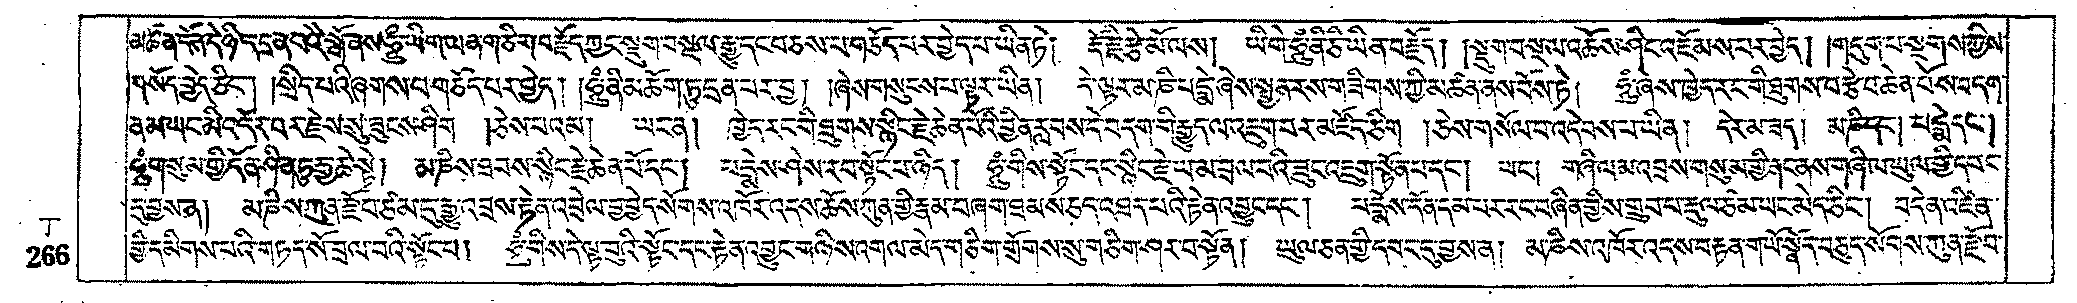མཚོན་དོན་དེ་ཉིད་དྲན་བའི་སྒོ་ནས་ཧཱུཾ་ཡིག་ལན་གཅིག་བརྗོད་ཀྱང་སྡུག་བསྔལ་རྒྱུ་དང་བཅས་པ་གཅོད་པར་བྱེད་པ་ཡིན་ཏེ། རྡོ་རྗེ་རྩེ་མོ་ལས། ཡི་གེ་ཧཱུཾ་ནི་ཅི་ཡིན་བརྗོད། །སྡུག་བསྔལ་འཆོས་ཤིང་འཇོམས་པར་བྱེད། །གདུག་པ་སྔགས་ཀྱིས་
གསོད་བྱེད་ཅིང་། །སྲིད་པའི་ཞགས་པ་གཅོད་པར་བྱེད། །ཧཱུཾ་ནི་མཆོག་ཏུ་དྲན་པར་བྱ། །ཞེས་གསུངས་པ་ལྟར་ཡིན། དེ་ལྟར་མ་ནི་པདམེ་ཞེས་སྤྱན་རས་གཟིགས་ཀྱི་མཚན་ནས་བོས་ཏེ། ཧཱུཾ་ཞེས་ཁྱེད་རང་གི་ཐུགས་བརྩེ་བ་ཆེན་པོས་བདག་
ནམ་ཡང་མི་འདོར་བར་རྗེས་སུ་ཟུངས་ཤིག །ཅེས་པའམ། ཡང་ན། ཁྱེད་རང་གི་ཐུགས་སྙིང་རྗེ་ཆེན་པོའི་བྱིན་རླབས་དེ་བདག་གི་རྒྱུད་ལ་འཇུག་པར་མཛོད་ཅིག །ཅེས་གསོལ་བ་འདེབས་པ་ཡིན། དེར་མ་ཟད། མ་ཎི་དང་། པདམེ་དང་།
ཧཱུཾ་གསུམ་གྱི་དོན་ཤིན་ཏུ་རྒྱ་ཆེ་སྟེ། མ་ཎིས་ཐབས་སྙིང་རྗེ་ཆེན་པོ་དང་། པདམེས་ཤེས་རབ་སྟོང་པ་ཉིད། ཧཱུཾ་གིས་སྟོང་དང་སྙིང་རྗེ་ཡ་མ་བྲལ་བའི་ཟུང་འཇུག་སྟོན་པ་དང་། ཡང་། གཞི་ལམ་འབྲས་གསུམ་གྱི་ནང་ནས་གཞི་ལ་ཡུལ་གྱི་དབང་
དུ་བྱས་ན། མ་ཎི་ས་ཀུན་རྫོབ་ཙམ་དུ་རྒྱུ་འབྲས་རྟེན་འབྲེལ་བྱ་བྱེད་སོགས་འཁོར་འདས་ཆོས་ཀུན་གྱི་རྣམ་བཞག་ཐམས་ཅད་འཐད་པའི་རྟེན་འབྱུང་དང་། པདམེས་དོན་དམ་པར་རང་བཞིན་གྱིས་གྲུབ་པ་རྡུལ་ཙམ་ཡང་མེད་ཅིང་། བདེན་འཛིན་་་
གྱི་དམིགས་པའི་གཏད་སོ་བྲལ་བའི་སྟོང་པ། ཧཱུཾ་གིས་དེ་ལྟ་བུའི་སྟོང་དང་རྟེན་འབྱུང་གཉིས་འགལ་མེད་གཅིག་གྲོགས་སུ་གཅིག་ཤར་བ་སྟོན། ཡུལ་ཅན་གྱི་དབང་དུ་བྱས་ན། མ་ཎིས་འཁོར་འདས་བརྟན་གཡོ་སྣོད་བཅུད་སོགས་ཀུན་རྫོབ་